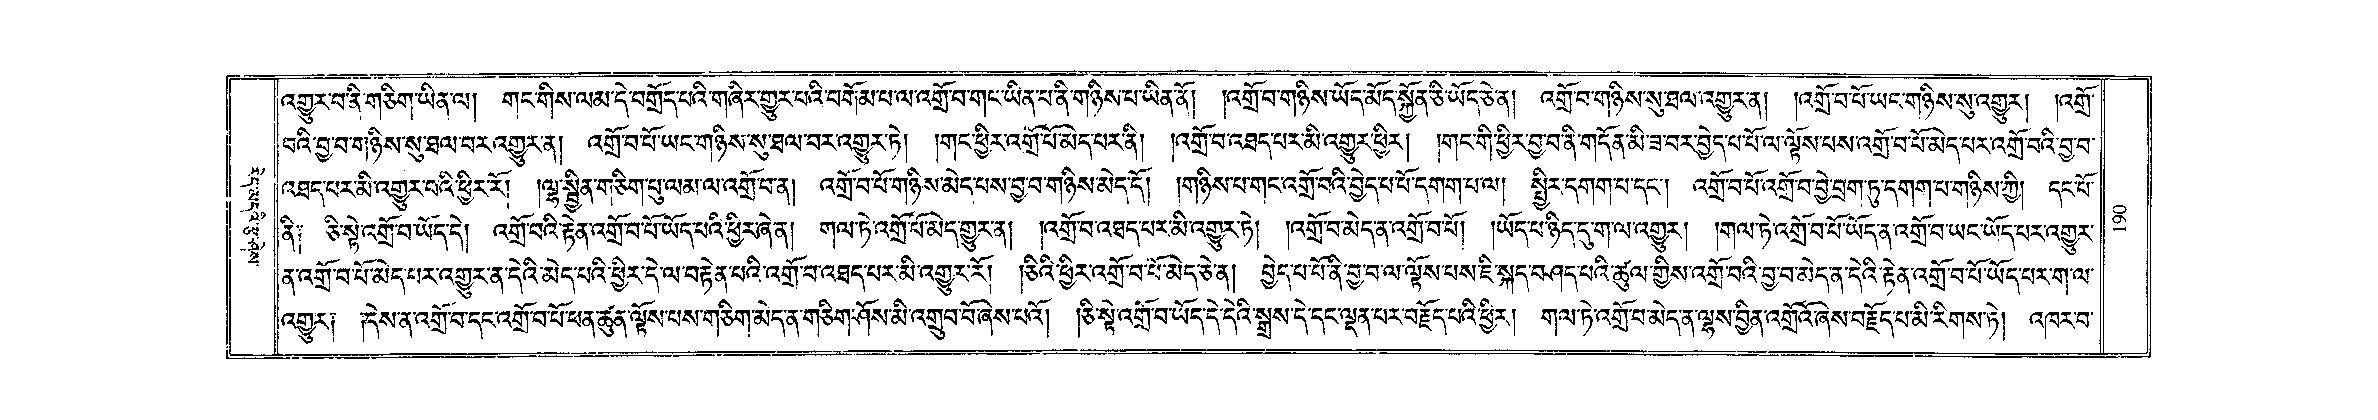འགྱུར་བ་ནི་གཅིག་ཡིན་ལ། གང་གིས་ལམ་དེ་བགྲོད་པའི་གཞིར་གྱུར་པའི་བགོམ་པ་ལ་འགྲོ་བ་གང་ཡིན་པ་ནི་གཉིས་པ་ཡིན་ནོ། །འགྲོ་བ་གཉིས་ཡོད་མོད་སྐྱོན་ཅི་ཡོད་ཅེ་ན། འགྲོ་བ་གཉིས་སུ་ཐལ་འགྱུར་ན། །འགྲོ་བ་པོ་ཡང་གཉིས་སུ་འགྱུར། །འགྲོ་
བའི་བྱ་བ་གཉིས་སུ་ཐལ་བར་འགྱུར་ན། འགྲོ་བ་པོ་ཡང་གཉིས་སུ་ཐལ་བར་འགྱུར་ཏེ། །གང་ཕྱིར་འགྲོ་པོ་མེད་པར་ནི། །འགྲོ་བ་འཐད་པར་མི་འགྱུར་ཕྱིར། །གང་གི་ཕྱིར་བྱ་བ་ནི་གདོན་མི་ཟ་བར་བྱེད་པ་པོ་ལ་ལྟོས་པས་འགྲོ་བ་པོ་མེད་པར་འགྲོ་བའི་བྱ་བ་
འཐད་པར་མི་འགྱུར་བའི་ཕྱིར་རོ། །ལྷ་སྦྱིན་གཅིག་པུ་ལམ་ལ་འགྲོ་བ་ན། འགྲོ་བ་པོ་གཉིས་མེད་པས་བྱ་བ་གཉིས་མེད་དོ། །གཉིས་པ་གང་འགྲོ་བའི་བྱེད་པ་པོ་དགག་པ་ལ། སྤྱིར་དགག་པ་དང་། འགྲོ་བ་པོ་འགྲོ་བ་བྱེ་བྲག་ཏུ་དགག་པ་གཉིས་ཀྱི། དང་པོ་
ནི༑ ཅི་སྟེ་འགྲོ་བ་ཡོད་དེ། འགྲོ་བའི་རྟེན་འགྲོ་བ་པོ་ཡོད་པའི་ཕྱིར་ཞེ་ན། གལ་ཏེ་འགྲོ་བོ་མེད་གྱུར་ན། །འགྲོ་བ་འཐད་པར་མི་འགྱུར་ཏེ། །འགྲོ་བ་མེད་ན་འགྲོ་བ་པོ། །ཡོད་པ་ཉིད་དུ་ག་ལ་འགྱུར། །གལ་ཏེ་འགྲོ་བ་པོ་ཡོད་ན་འགྲོ་བ་ཡང་ཡོད་པར་འགྱུར་
ན་འགྲོ་བ་པོ་མེད་པར་འགྱུར་ན་དེའི་མེད་པའི་ཕྱིར་དེ་ལ་བརྟེན་པའི་འགྲོ་བ་འཐད་པར་མི་འགྱུར་རོ། །ཅིའི་ཕྱིར་འགྲོ་བ་པོ་མེད་ཅེ་ན། བྱེད་པ་པོ་ནི་བྱ་བ་ལ་ལྟོས་པས་ཇི་སྐད་བཤད་པའི་ཚུལ་གྱིས་འགྲོ་བའི་བྱ་བ་མེད་ན་དེའི་རྟེན་འགྲོ་བ་པོ་ཡོད་པར་ག་ལ་
འགྱུར༑ ༑དེས་ན་འགྲོ་བ་དང་འགྲོ་བ་པོ་ཕན་ཚུན་ལྟོས་པས་གཅིག་མེད་ན་གཅིག་ཤོས་མི་འགྲུབ་བོ་ཞེས་པའོ། །ཅི་སྟེ་འགྲོ་བ་ཡོད་དེ་དེའི་སྒྲས་དེ་དང་ལྡན་པར་བརྗོད་པའི་ཕྱིར། གལ་ཏེ་འགྲོ་བ་མེད་ན་ལྷས་བྱིན་འགྲོའོ་ཞེས་བརྗོད་པ་མི་རིགས་ཏེ། འཁར་བ་